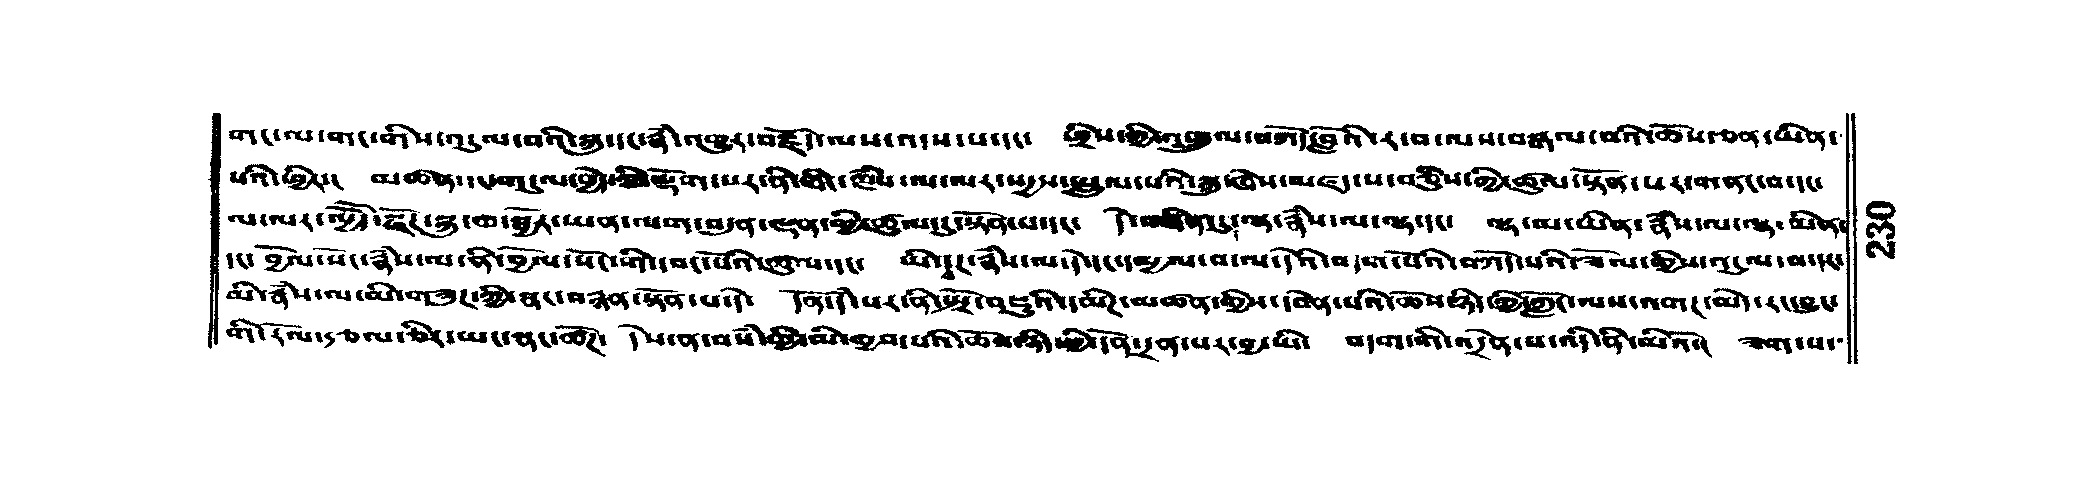གང་ལ་གང་གིས་འདུལ་བའི་སྐུ་དང་རྣམ་འགྱུར་བརྗོད་ལས་འདས་པ་དང་། ཕྲིན་ལས་ཀྱི་འཕྲུལ་བཀོད་བློའི་རྭ་བ་ལས་བརྒལ་བའི་ཆོས་ཅན་ཡིན་
པའི་ཕྱིར། མཚན་དང་གདུལ་བྱེད་ཀྱི་ལྡོག་པར་ནི་ཞིང་ཁམས་ལ་ལར་སངས་རྒྱས་སྤྲུལ་པའི་སྐུ་ཞེས་མཛད་པ་བཅུ་གཉིས་ཀྱི་ཚུལ་སྟོན་པར་གནང་བ་དང་། 
ལ་ལར་ལོངས་སྤྱོད་རྫོགས་སྐུ་ཁ་སྦྱོར་ཡན་ལག་བདུན་ལྡན་གྱི་ཚུལ་དུ་སྟོན་པ་དང་། དེ་བཞིན་དུ་ལྷ་རྣམས་ལ་ལྷ་དང་། ལྷ་མ་ཡིན་རྣམས་ལ་ལྷ་མིན་
དང་། བྱོལ་སོང་རྣམས་ལ་ནི་བྱོལ་སོང་གི་དབང་པོའི་ཚུལ་དང་། ཡི་དྭགས་རྣམས་ལ་དེ་དང་དམྱལ་བ་ལ་དེའི་བདག་པོའི་བཀོད་པའི་ཟོལ་གྱིས་འདུལ་བ་དང་། 
མི་རྣམས་ལ་མིའི་གཟུགས་ཀྱི་སྣང་བརྙན་སྟོན་པ་དེ། དོན་དམ་པར་ནི་སྤྲོ་བསྡུའི་དམིགས་མཚན་གྱིས་དབེན་པའི་ཆོས་ཉིད་ཀྱི་ཀློང་ལས་འགགས་མེད་རང་བྱུང་
གི་རོལ་རྩལ་ཅིར་ཡང་སྣང་ཚེ།དེས་ན་བསམ་གྱི་མི་ཁྱབ་པའི་ཆོས་ཉིད་ཀྱི་དོན་དྲན་པར་བྱ་ཡི། བདག་གི་འདྲེན་པ་འདི་ནི་མིའོ། ཟག་པ་